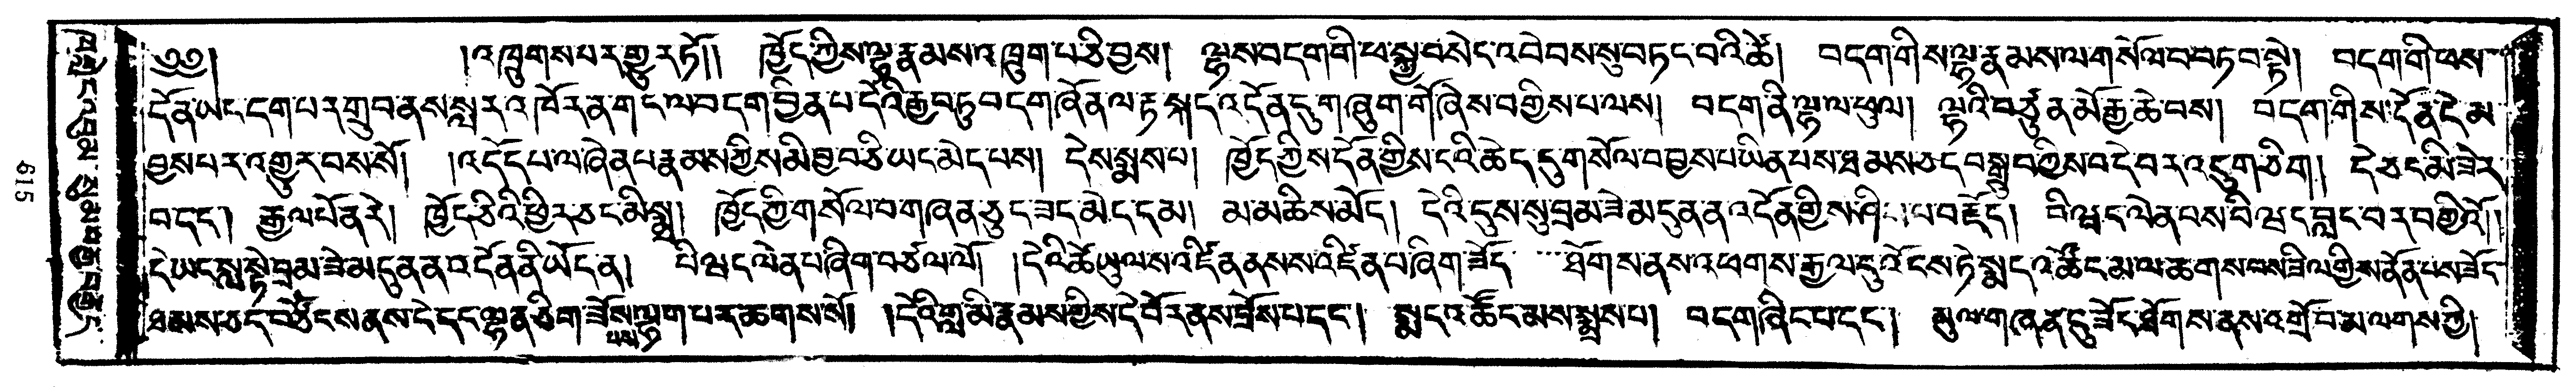༄༅། །འཁྲུགས་པར་གྱུར་ཏོ།། ཁྱོད་ཀྱིས་ལྷ་རྣམས་འཁྲུག་པ་ཅི་བྱས། ལྷས་བདག་གི་ཕ་སྐྱ་བསེང་འབེབས་སུ་བཏང་བའི་ཚེ། བདག་གིས་ལྷ་རྣམས་ལ་གསོལ་བ་བཏབ་སྟེ། བདག་གི་ཕས་
དོན་ཡང་དག་པར་གྲུབ་ནས་སླར་འཁོར་ན་གང་ལ་བདག་བྱིན་པ་དེའི་རྒྱབ་ཏུ་བདག་ཞོན་ལ་རྟ་སྐད་འདོན་དུ་གཞུག་གོ་ཞེས་བགྱིས་པ་ལས། བདག་ནི་ལྷ་ལ་ཕུལ། ལྷའི་བཙུན་མོ་རྒྱ་ཆེ་བས། བདག་གིས་དོན་དེ་མ་
བྱས་པར་འགྱུར་བས་སོ། །འདོད་པ་ལ་ཞེན་པ་རྣམས་ཀྱིས་མི་བྱ་བ་ཅི་ཡང་མེད་པས། དེས་སྨས་པ། ཁྱོད་ཀྱིས་དོན་གྱིས་ངའི་ཆེད་དུ་གསོལ་བ་བྱས་པ་ཡིན་པས་ཐམས་ཅད་བསྒྲུབ་ཀྱིས་བདེ་བར་འདུག་ཅིག། དེ་ཅང་མི་ཟེར་
བ་དང་། རྒྱལ་པོ་ན་རེ། ཁྱོད་ཅིའི་ཕྱིར་ཅང་མི་སྨྲ། ཁྱོད་ཀྱི་གསོལ་བ་གཞན་ཅུང་ཟད་མེད་དམ། མ་མཆིས་མོད། དེའི་དུས་སུ་བྲམ་ཟེ་མདུན་ན་འདོན་གྱིས་ཤིས་པ་བརྗོད། བི་ཝང་ལེན་པས་བི་ཝང་བླང་བར་བགྱིའོ།།
དེ་ཡང་སླ་སྟེ་བྲམ་ཟེ་མདུན་ན་འདོན་ནི་ཡོད་ན། པི་ཝང་ལེན་པ་ཞིག་བཙལ་ལོ། །དེའི་ཚེ་ཡུལ་ས་འཛིན་ནས་ས་འཛིན་པ་ཞིག་ཟོད་ཐོགས་ནས་འཕགས་རྒྱལ་དུ་འོངས་ཏེ་སྨད་འཚོང་མ་ལ་ཆགས་བས་ཟིལ་གྱིས་ནོན་པས་ཟོང་
ཐམས་ཅད་བཙོངས་ནས་དེ་དང་ལྷན་ཅིག་ཟོས་པས་ལྷག་པར་ཆགས་སོ། །དེའི་གླ་མི་རྣམས་གྱིས་དེ་བོར་ནས་བྲོས་པ་དང་། སྨད་འཚོང་མས་སྨྲས་པ། བདག་ཞིང་པ་དང་། མུལ་གཞན་དུ་ཟོང་ཐོགས་ནས་འགྲོ་བ་མ་ལགས་ཀྱི།